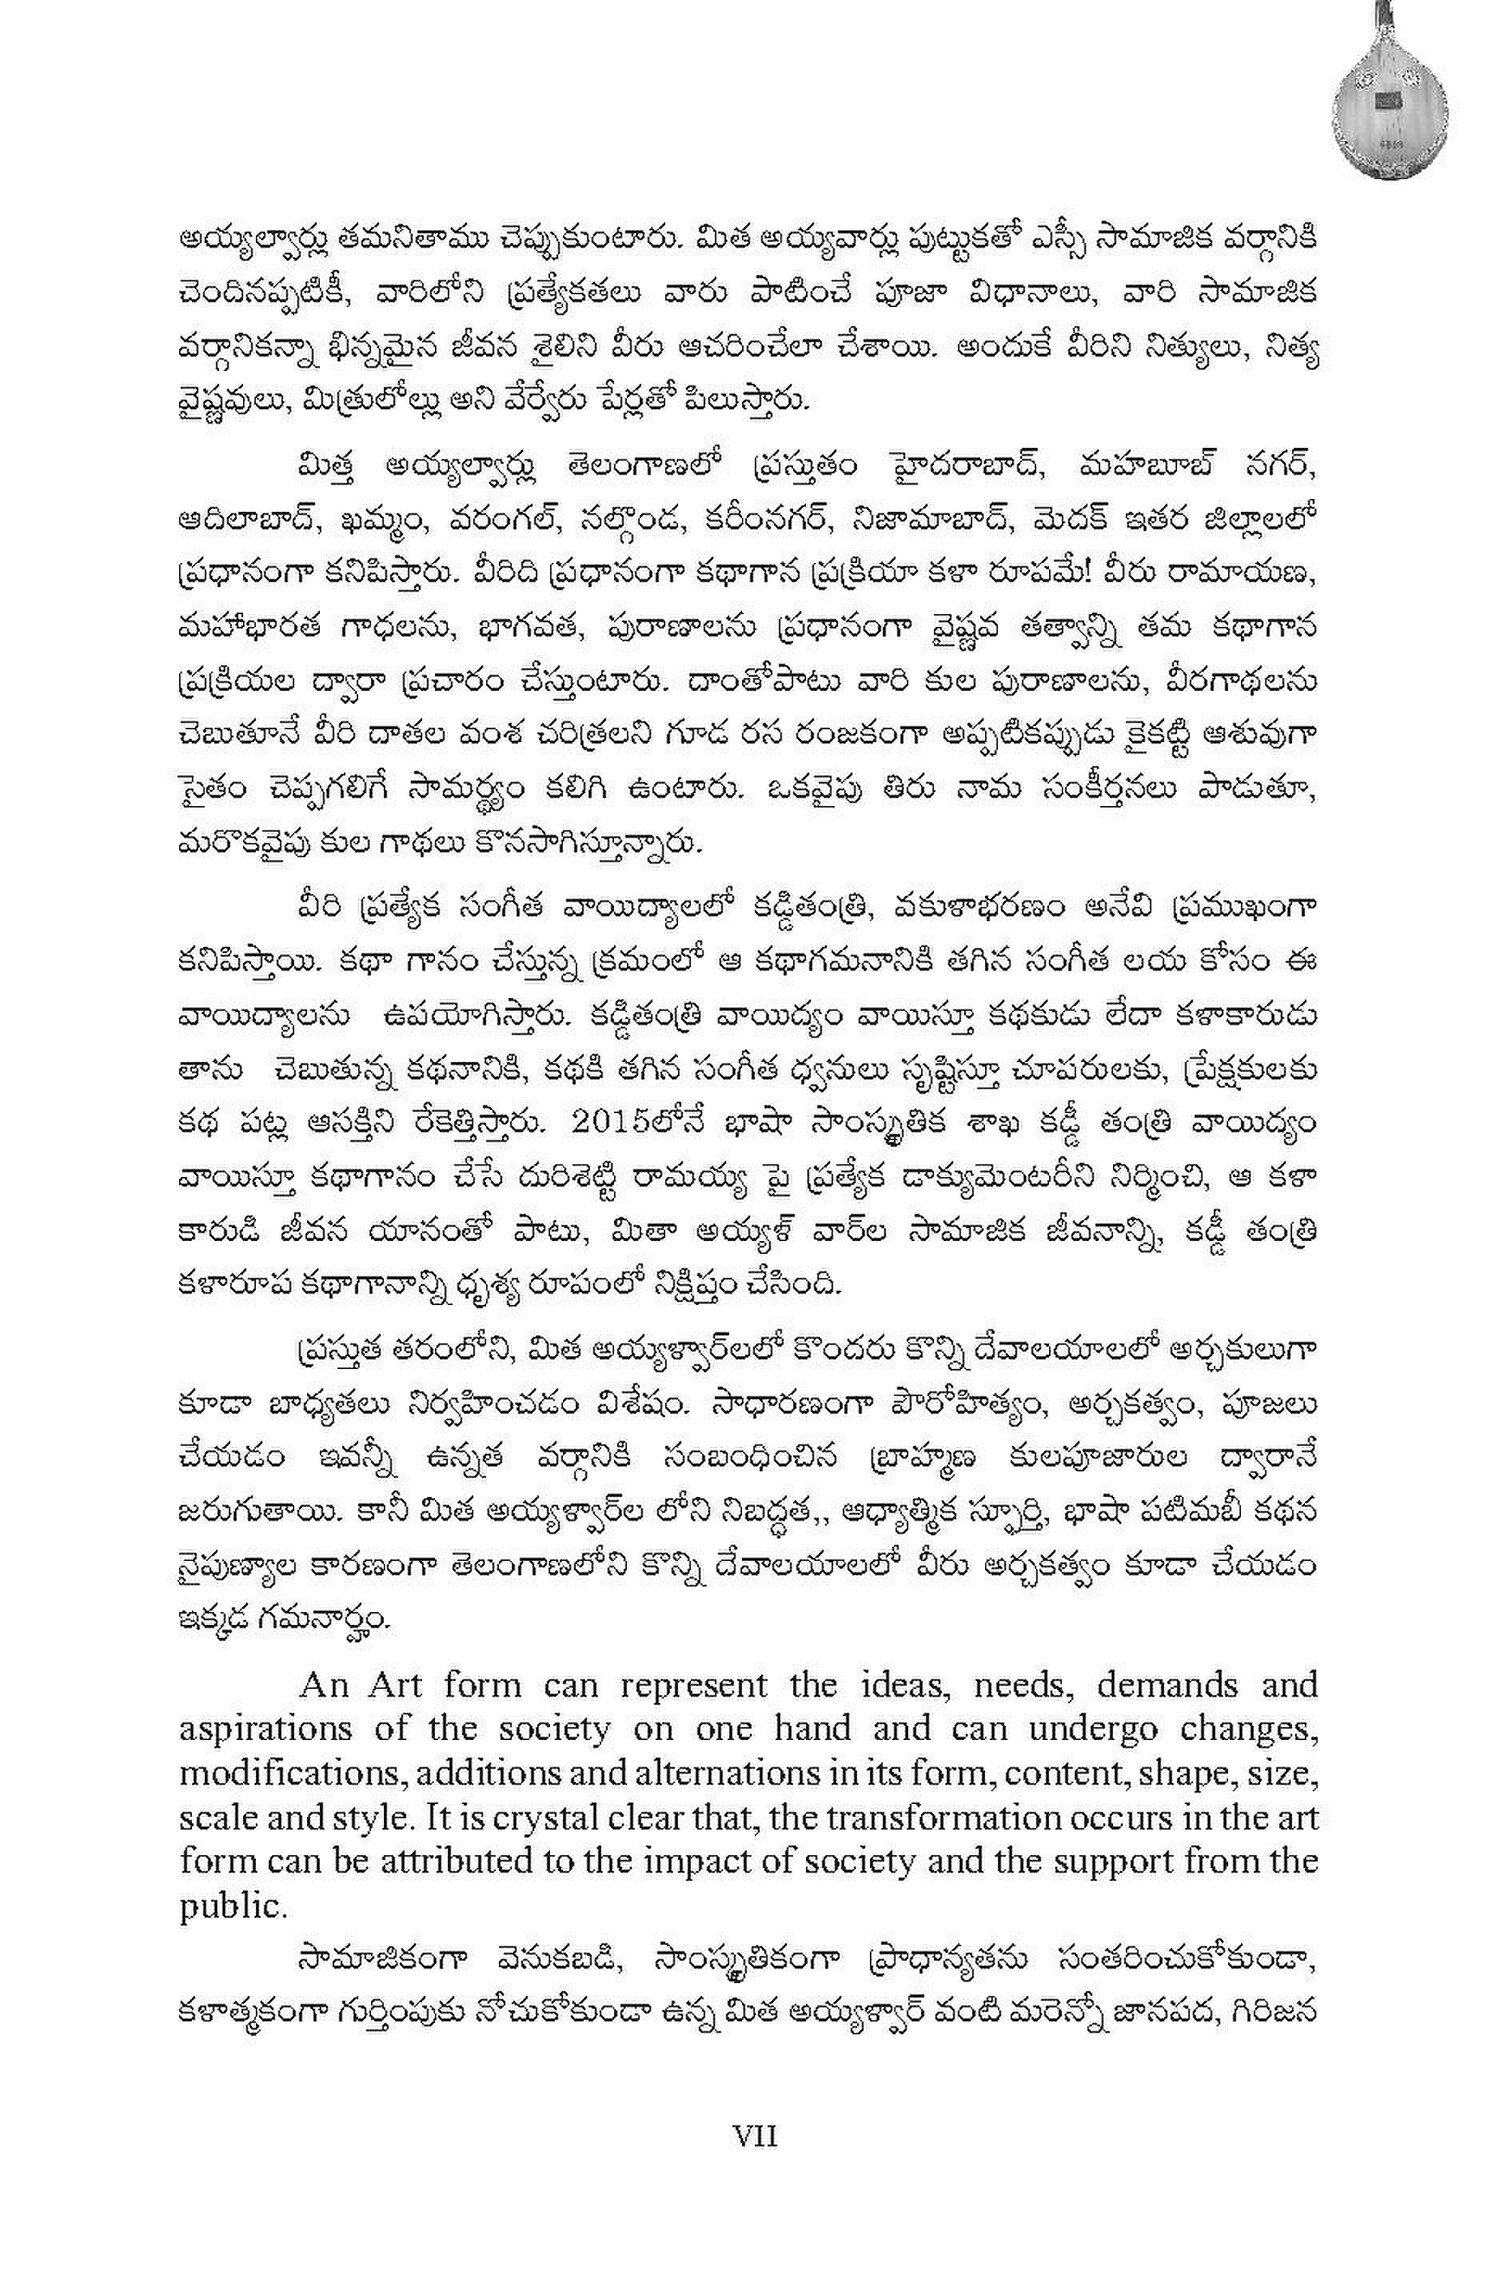అయ్యల్వార్లు తమనితాము చెప్పుకుంటారు. మిత అయ్యవార్లు పుట్టుకతో ఎస్సీ సామాజిక వర్గానికి చెందినప్పటికీ, వారిలోని ప్రత్యేకతలు వారు పాటించే పూజా విధానాలు, వారి సామాజిక వర్గానికన్నా భిన్నమైన జీవన శైలిని వీరు ఆచరించేలా చేశాయి. అందుకే వీరిని నిత్యులు, నిత్య వైష్ణవులు, మిత్రులోల్లు అని వేర్వేరు పేర్లతో పిలుస్తారు.

మిత్త అయ్యల్వార్లు తెలంగాణలో ప్రస్తుతం హైదరాబాద్, మహబూబ్ నగర్, ఆదిలాబాద్, ఖమ్మం, వరంగల్, నల్గొండ, కరీంనగర్, నిజామాబాద్, మెదక్ ఇతర జిల్లాలలో ప్రధానంగా కనిపిస్తారు. వీరిది ప్రధానంగా కథాగాన ప్రక్రియా కళా రూపమే! వీరు రామాయణ, మహాభారత గాధలను, భాగవత, పురాణాలను ప్రధానంగా వైష్ణవ తత్వాన్ని తమ కథాగాన ప్రక్రియల ద్వారా ప్రచారం చేస్తుంటారు. దాంతోపాటు వారి కుల పురాణాలను, వీరగాథలను చెబుతూనే వీరి దాతల వంశ చరిత్రలని గూడ రస రంజకంగా అప్పటికప్పుడు కైకట్టి అశువుగా సైతం చెప్పగలిగే సామర్థ్యం కలిగి ఉంటారు. ఒకవైపు తిరు నామ సంకీర్తనలు పాడుతూ, మరొకవైపు కుల గాథలు కొనసాగిస్తూన్నారు.

వీరి ప్రత్యేక సంగీత వాయిద్యాలలో కడ్డీతంత్రి, వకుళాభరణం అనేవి ప్రముఖంగా కనిపిస్తాయి. కథా గానం చేస్తున్న క్రమంలో ఆ కథాగమనానికి తగిన సంగీత లయ కోసం ఈ వాయిద్యాలను ఉపయోగిస్తారు. కడ్డీతంత్రి వాయిద్యం వాయిస్తూ కథకుడు లేదా కళాకారుడు తాను చెబుతున్న కథనానికి, కథకి తగిన సంగీత ధ్వనులు సృష్టిస్తూ చూపరులకు, ప్రేక్షకులకు
కథ పట్ల ఆసక్తిని రేకెత్తిస్తారు. 2015లోనే భాషా సాంస్కృతిక శాఖ కడ్డీ తంత్రి వాయిద్యం వాయిస్తూ కథాగానం చేసే దురిశెట్టి రామయ్య పై ప్రత్యేక డాక్యుమెంటరీని నిర్మించి, ఆ కళాకారుడి జీవన యానంతో పాటు, మితా అయ్యళ్ వార్ల సామాజిక జీవనాన్ని, కడ్డీ తంత్రి కళారూప కథాగానాన్ని దృశ్య రూపంలో నిక్షిప్తం చేసింది.

ప్రస్తుత తరంలోని, మిత అయ్యళ్వార్లలో కొందరు కొన్ని దేవాలయాలలో అర్చకులుగా కూడా బాధ్యతలు నిర్వహించడం విశేషం. సాధారణంగా పౌరోహిత్యం, అర్చకత్వం, పూజలు చేయడం ఇవన్నీ ఉన్నత వర్గానికి సంబంధించిన బ్రాహ్మణ కులపూజారుల ద్వారానే జరుగుతాయి. కానీ మిత అయ్యళ్వార్ల లోని నిబద్ధత,, ఆధ్యాత్మిక స్ఫూర్తి, భాషా పటిమబీ కథన
నైపుణ్యాల కారణంగా తెలంగాణలోని కొన్ని దేవాలయాలలో వీరు అర్చకత్వం కూడా చేయడం ఇక్కడ గమనార్హం.

An Art form can represent the ideas, needs, demands and aspirations of the society on one hand and can undergo changes, modifications, additions and alternations in its form, content, shape, size, scale and style. It is crystal clear that, the transformation occurs in the art form can be attributed to the impact of society and the support from the public.

సామాజికంగా వెనుకబడి, సాంస్కృతికంగా ప్రాధాన్యతను సంతరించుకోకుండా, కళాత్మకంగా గుర్తింపుకు నోచుకోకుండా ఉన్న మిత అయ్యళ్వార్ వంటి మరెన్నో జానపద, గిరిజన